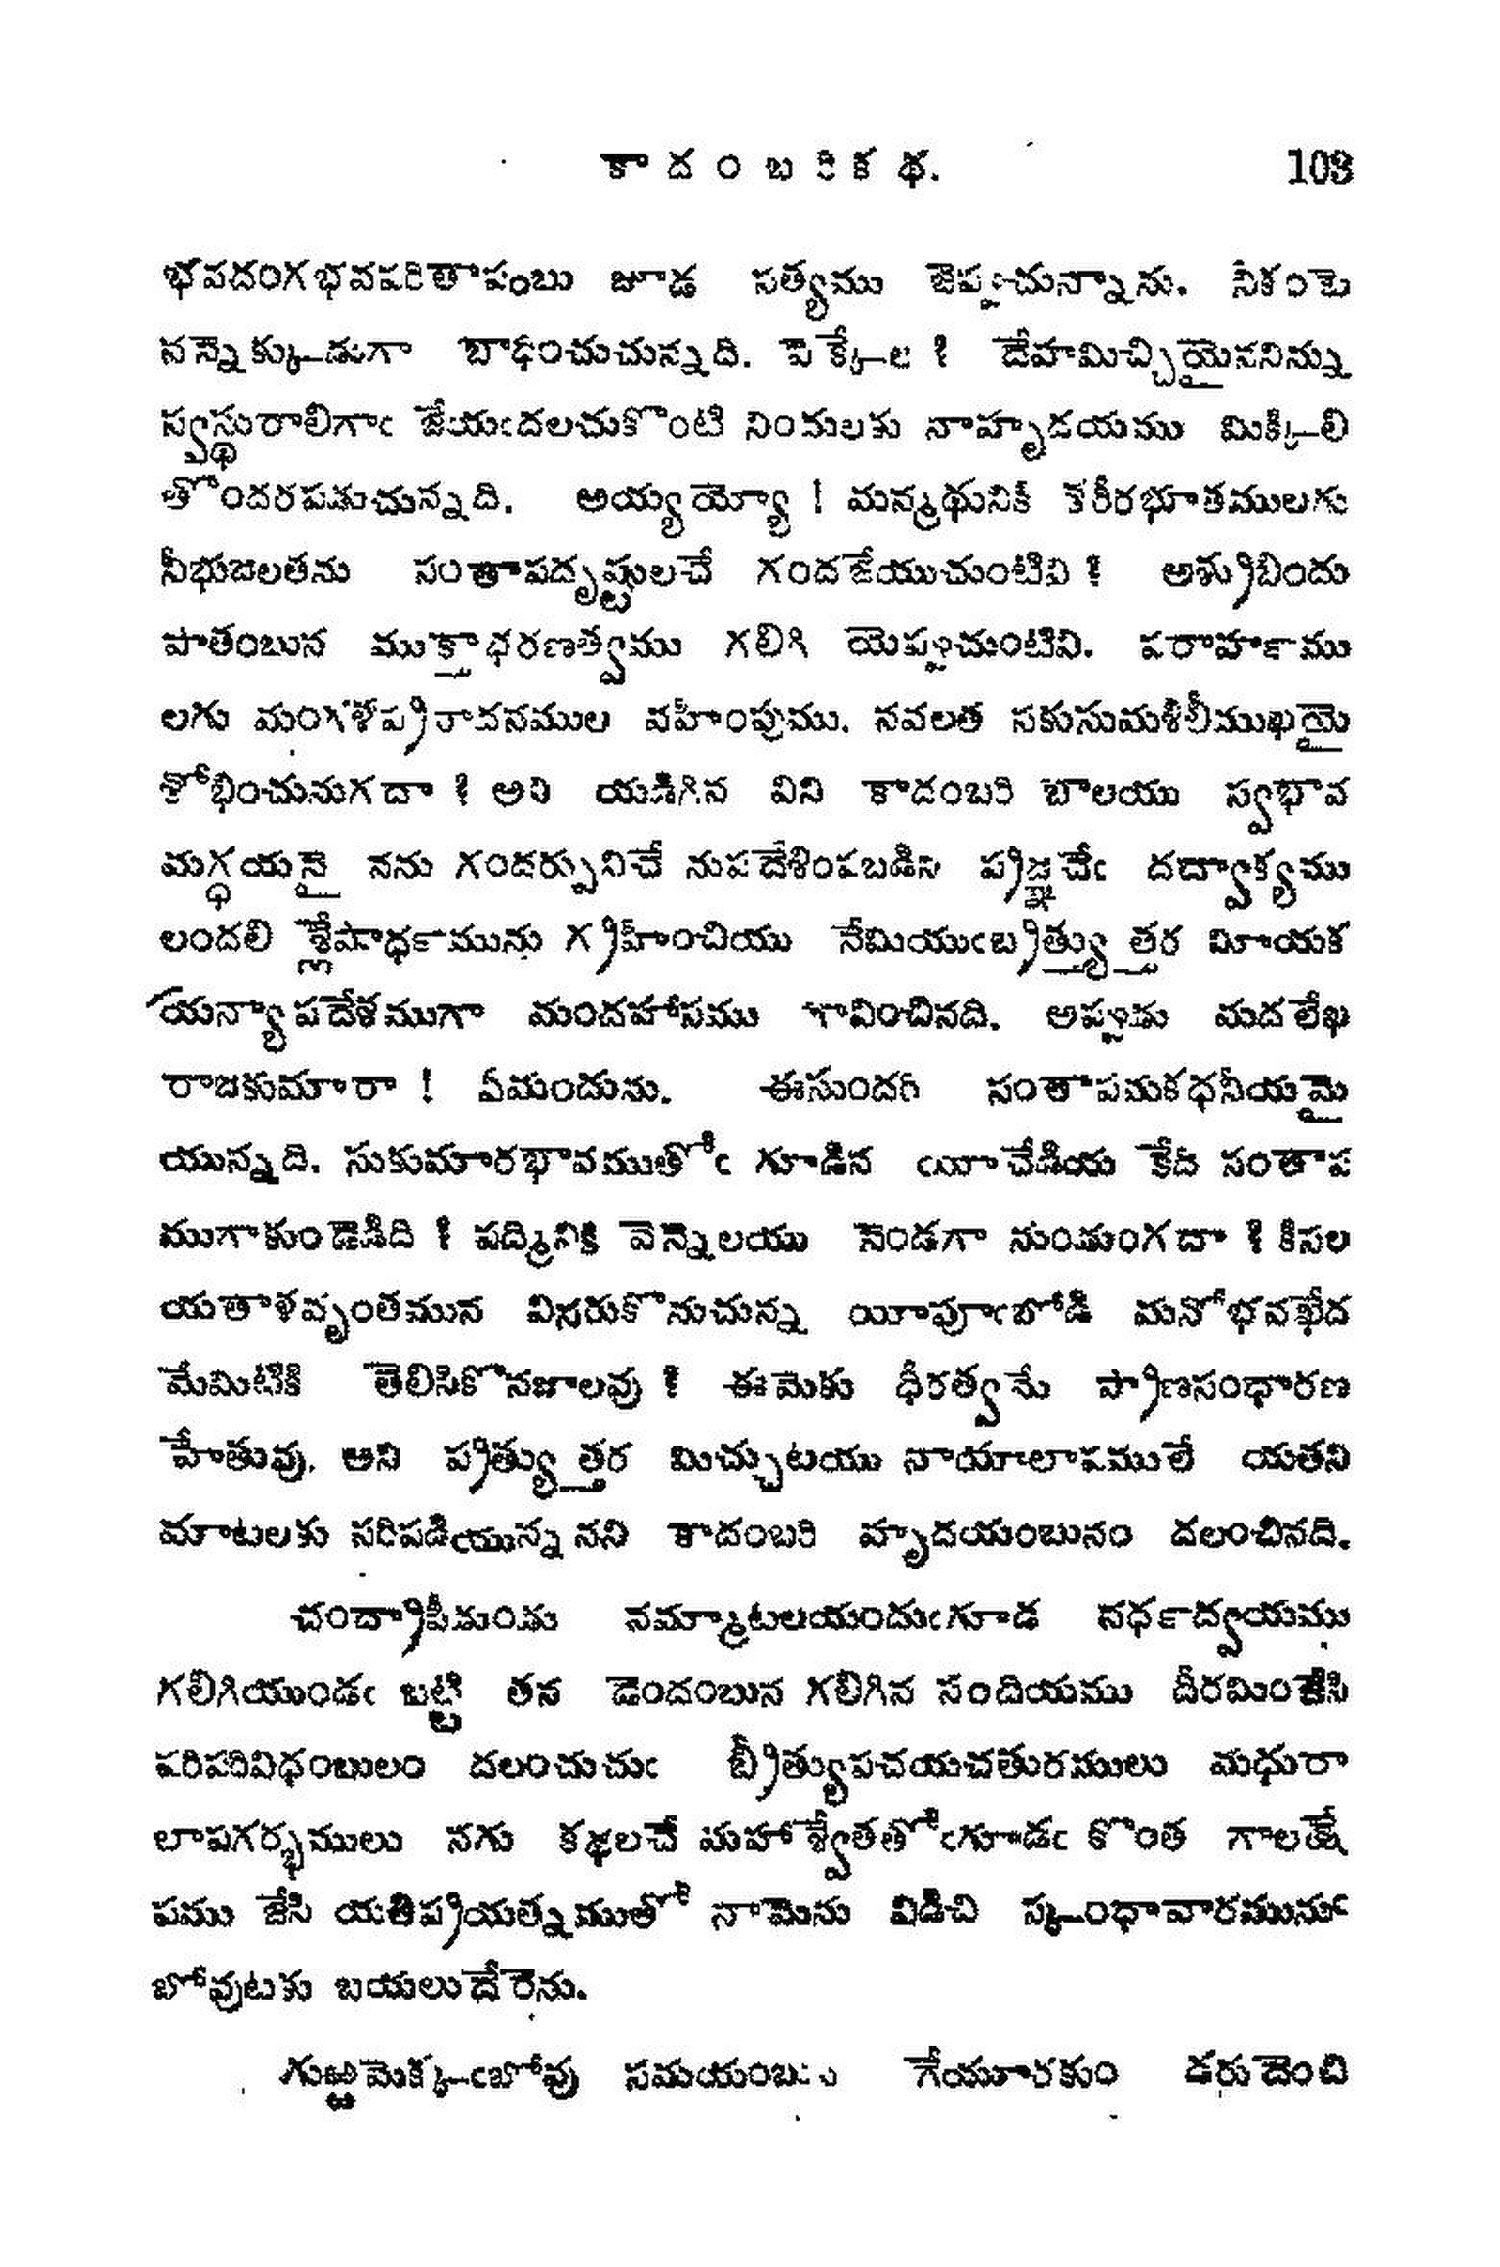భవదంగభవపరితాపంబు జూడ సత్యము జెప్పుచున్నాను. నీకంటె నన్నెక్కుడుగా బాధించుచున్నది. పెక్కేల? దేహమిచ్చియైననిన్ను స్వస్థురాలిగాఁ జేయఁదలచుకొంటి నిందులకు నాహృదయము మిక్కిలి తొందరపడుచున్నది. అయ్యయ్యో! మన్మథునికి శరీరభూతములగు నీభుజలతను సంతాపదృష్టులచే గందజేయుచుంటివి? అశ్రుబిందు పాతంబున ముక్తాభరణత్వము గలిగి య్పొప్పుచుంటివి. పరాహ౯ములగు మంగళప్రనాదముల వహింపుము. నవలత సకుసుమశిలీముఖయై శోభించునుగదా? అని యడిగిన విని కాదంబరి బాలయు స్వభావ మగ్ధయనై నను గందర్పునిచే నుపదేశింపబడిన ప్రజ్ఞచేఁ దద్వాక్యము లందలి శ్లేషాధ౯మును గ్రహించియు నేమియుఁబ్రత్యుత్తర మీయక యన్యాపదేశముగా మందహాసము గావించినది. అప్పుడు మదలేఖ రాజకుమారా! ఏమందును. ఈసుందరి సంతాపమకధనీయమై యున్నది. సుకుమారభావముతోఁ గూడిన యీచేడియ కేది సంతాపముగాకుండెడిది? పద్మినికి వెన్నెలయు నెండగా నుండుంగదా? కిసల యతాళవృంతమున విసరుకొనుచున్న యీపూఁబోడి మనోభవభేద మేమిటికి తెలిసికొనజాలవు? ఈమెకు ధీరత్వమే ప్రాణసంధారణ హేతువు అని ప్రత్యుత్తర మిచ్చుటయు నాయాలాపములే యతని మాటలకు సరిపడియున్నవని కాదంబరి హృదయంబునం దలంచినది.

చంద్రాపీడుండు నమ్మాటలయందుఁగూడ నధ౯ద్వయము గలిగియుండఁ బట్టి తన డెందంబున గలిగిన సందియము దీరమింజేసి పరిపరివిధంబులం దలంచుచుఁ బ్రీత్యుపచయచతురములు మధురాలాపగర్భములు నగు కథలచే మహాశ్వేతతోఁగూడఁ కొంత గాలక్షేపము జేసి యతిప్రయత్నముతో నామెను విడిచి స్కంధావారమునుఁ బోవుటకు బయలుదేరెను.

గుఱ్ఱమెక్కఁబోవు సమయంబున గేయూరకుం డరుదెంచి